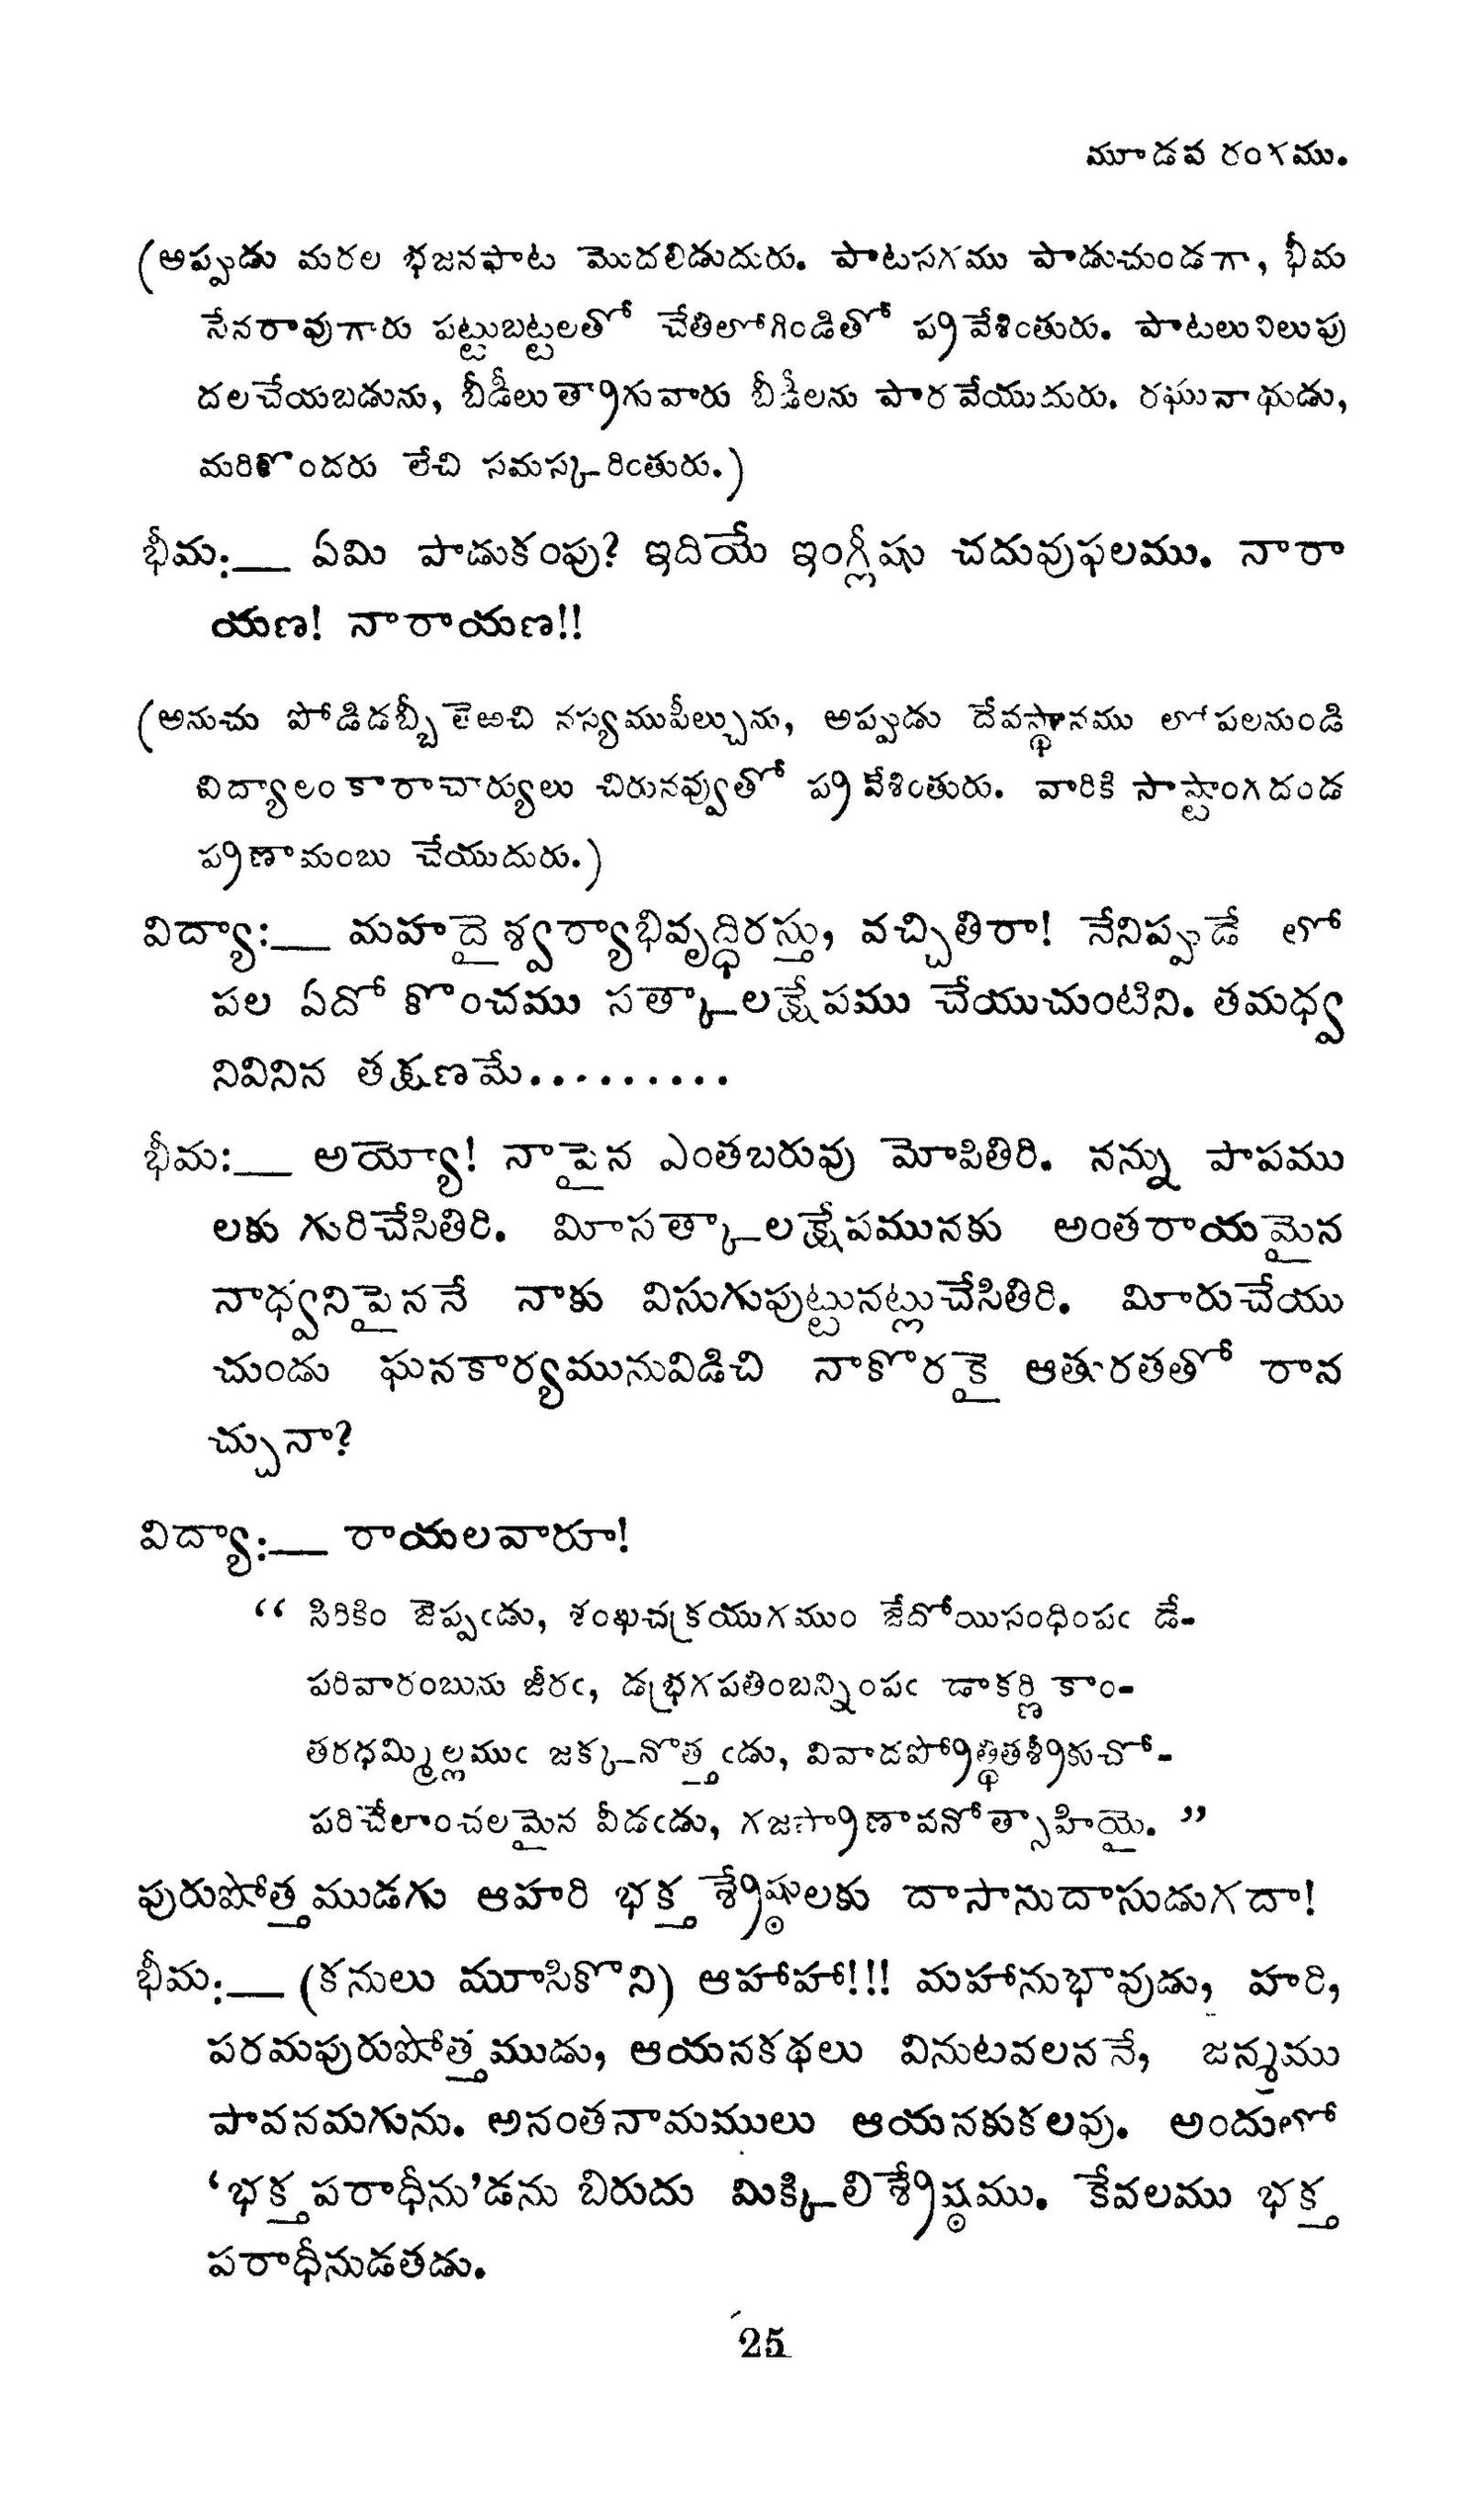(అప్పుడు మరల భజన పాట మొదలిడుదురు. పాటసగము పాడుచుండగా, భీమ
సేనరావు గారు పట్టుబట్టలతో చేతిలో గిండితో ఏ వేశింతురు. పాటలు నిలుపు
దలచేయబడును, బీడీలు తాంతాగు వారు బీడీలను పొర వేయుదురు. రఘునాథుడు,
మరికొందరు లేచి సమస్కరింతురు.)

భీమ. __ ఏమి పొడుకంపు? ఇదియే ఇంగ్లీషు చదువు ఫలము. నారా
యణ! నారాయణ!!
(అనుచు పోడిడబ్బీ తెఱచి నస్య ముపీల్చును, అప్పుడు దేవస్థానము లో పలనుండి
విద్యా లం కారాచార్యులు చిరునవ్వుతో ప్రవేశింతురు. వారికి సాష్టాంగ దండ
ప్రణామంబు చేయుదురు.)

విద్యా:- మహదైశ్వర్యాభివృద్ధిరస్తు, వచ్చితిరా! నేనిప్పుడే లో
పల ఏదో కొంచము సత్కాలక్షేపము చేయుచుంటిని. తమధ్వ
నివినిన తక్షణమే......

భీమ: – అయ్యో! నా పైన ఎంత బరువు మోపితిరి. నన్ను పాపము
లకు గురి చేసితిరి. మిసత్కాలక్షేపమునకు అంతరాయమైన
నాధ్వని పైననే నాకు విసుగుపుట్టునట్లు చేసితిరి. వారు చేయు
చుండు ఘనకార్యమును విడిచి నాకొరకై ఆతరతతో రావచ్చునా?

విద్యా:- రాయలవారూ!

( సిరికిం జెప్పఁడు, శంఖచక్రయుగముం జేదోయిసంధింపఁ డే-
పరివారంబును జీరఁ, డభ్రగ పతింబన్నింప డాకర్ణి
తరధమ్మిల్లముఁ జక్కనొత్తఁడు, వివాడపోత శీకుచో-
పరిచేలాంచలమైన వీడఁడు, గజప్రాణావనోత్సాహియై.

పురుషోత్త ముడగు ఆహరి భక్త శశిష్ఠులకు దాసానుదాసుడుగదా!

భీమ: - (కనులు మూసికొని) ఆహాహా!!! మహానుభావుడు, హరి,
పరమపురుషోత్తముడు, ఆయనకథలు వినుటవలననే, జన్మము
పావనమగును. అనంత నామములు ఆయనకుకలవు. అందులో
'భక్త పరాధీను'డను బిరుదు మిక్కిలి శ్రేష్ఠము. కేవలము భక్త
పరాధీనుడతడు.